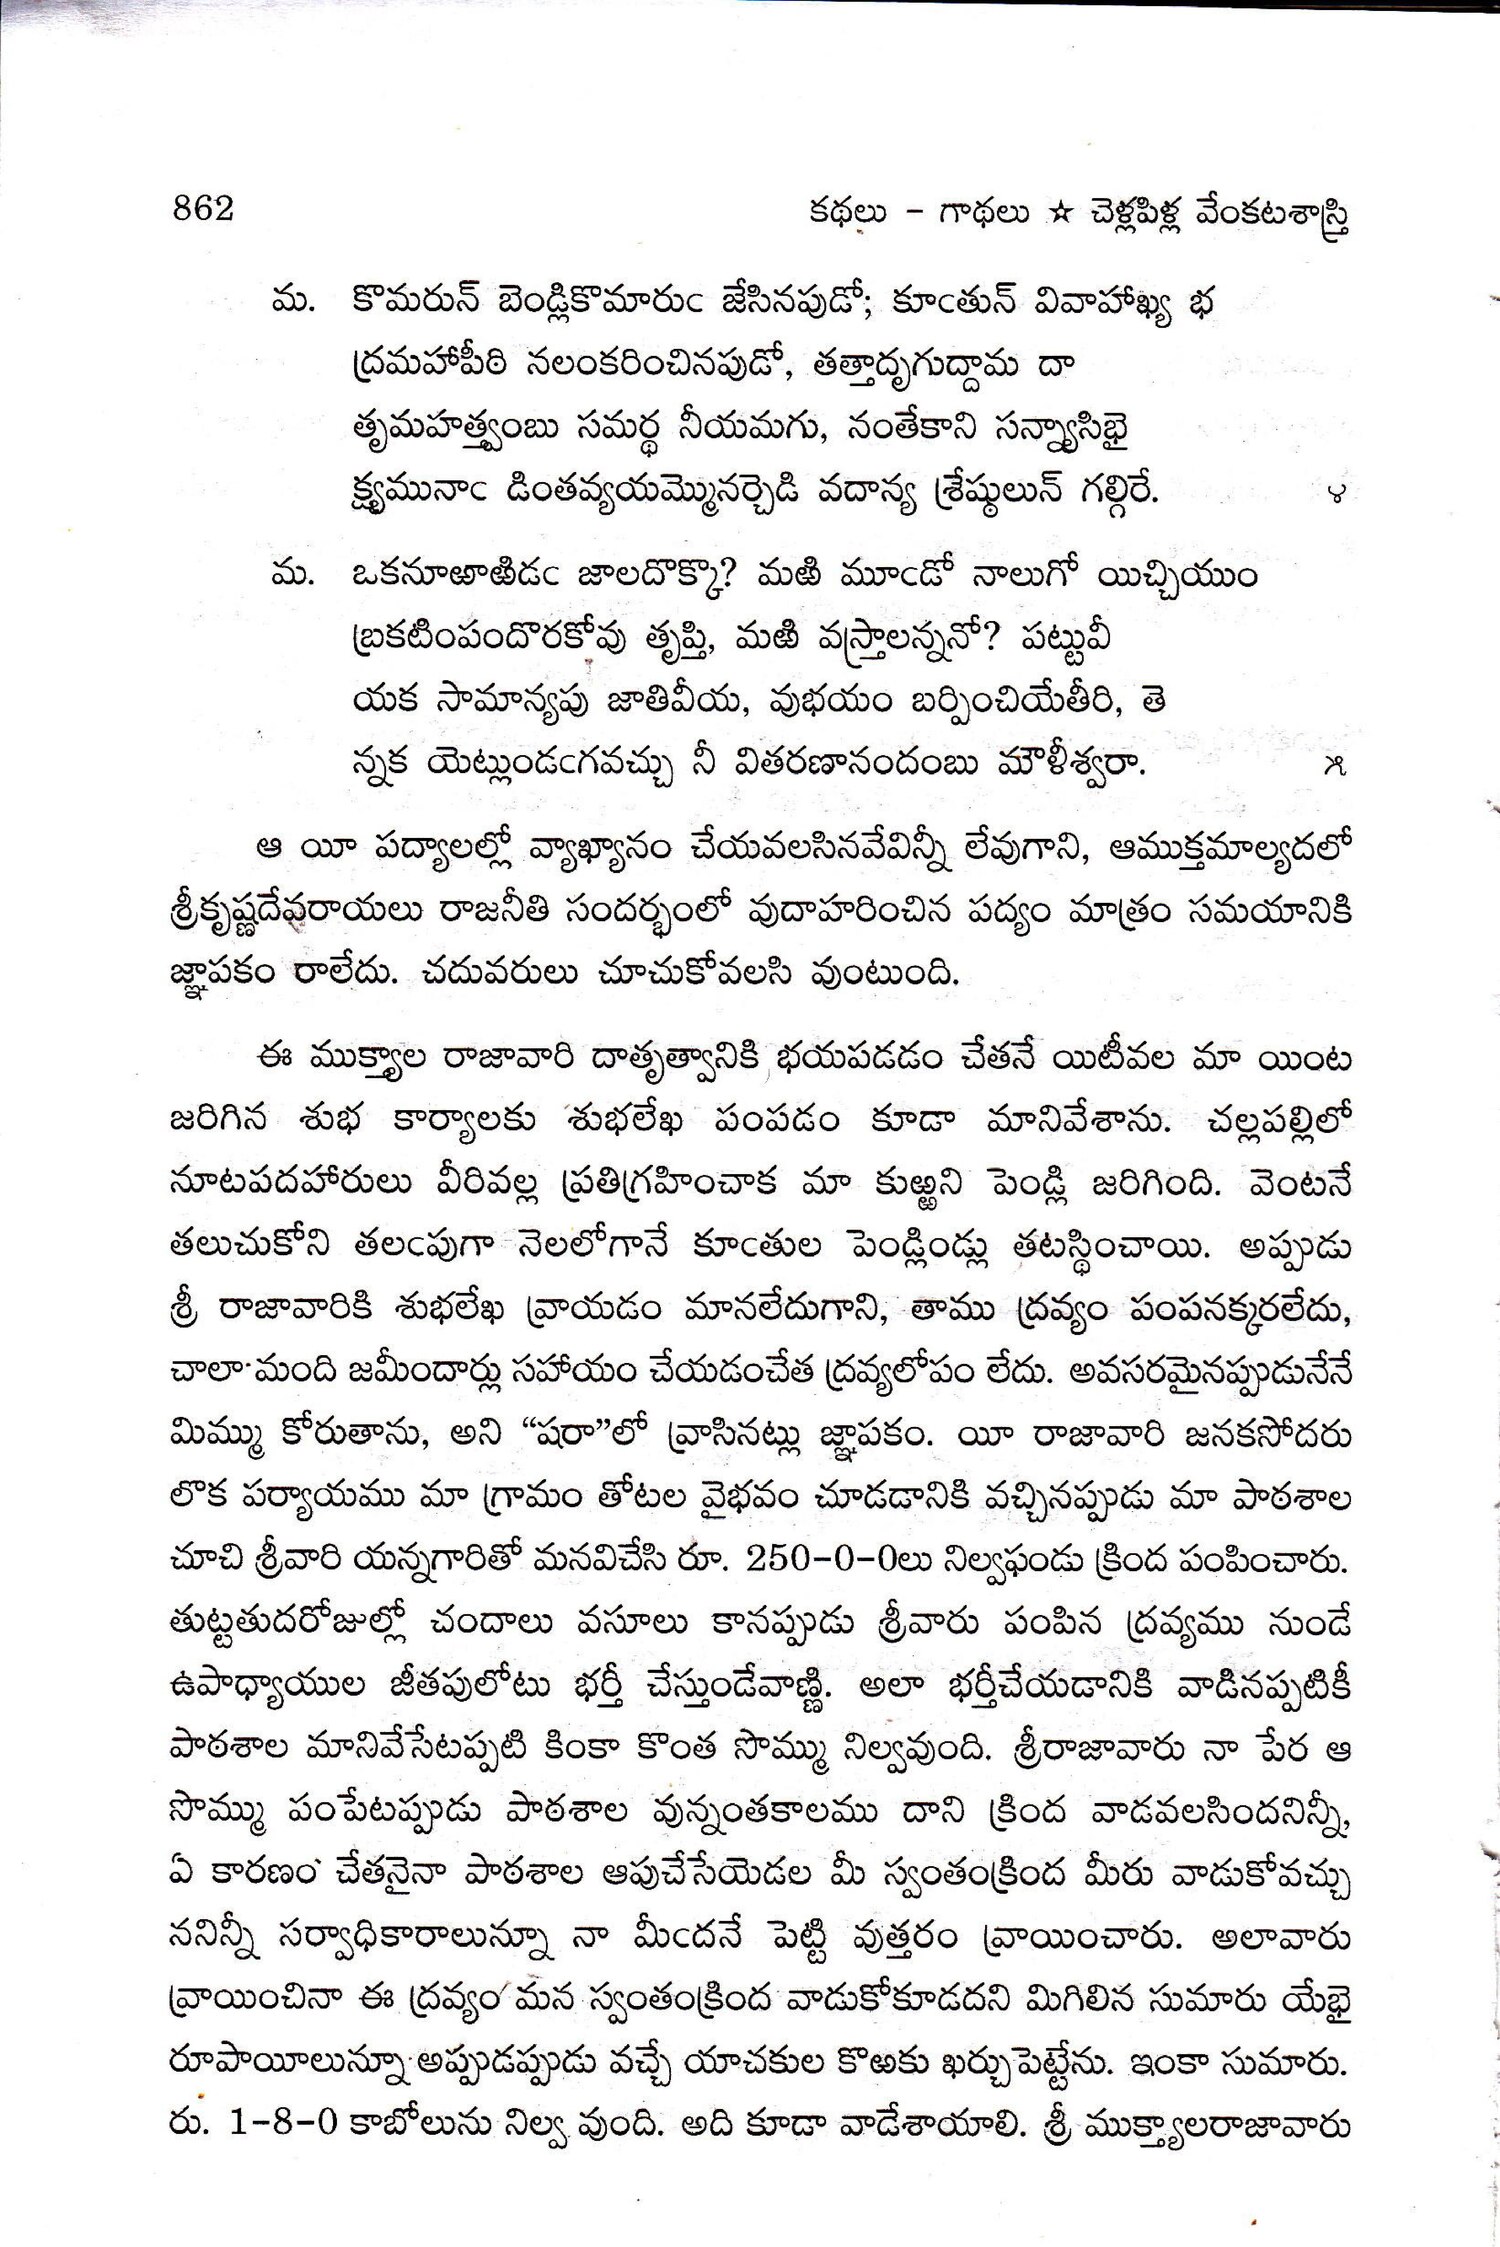మ. కొమరున్ బెండ్లికొమారుఁ జేసినపుడో, కూఁతున్ వివాహాఖ్య భ
 ద్రమహాపీఠి నలంకరించినపుడో, తత్తాదృగుద్దామ దా 
 తృమహత్త్వంబు సమర్థ నీయమగు, నంతేకాని సన్యాసిబై 
 క్ష్యమునాఁ డింతవ్యయమ్మొనర్చెడి వదాన్య శ్రేష్ఠులున్ గల్గిరే. - 4

మ. ఒకనూఱాఱిడఁ జాలదొక్కొ? మఱి మూఁడో నాలుగో యిచ్చియుం
 బ్రకటింపందొరకోవు తృప్తి, మఱి వస్త్రాలన్ననో? పట్టువీ 
 యక సామాన్యపు జాతివీయ, వుభయం బర్పించియేతీరి, తె 
 న్నక యెట్లుండఁగవచ్చు నీ వితరణానందంబు మౌళీశ్వరా. - 5
ఆ యీ పద్యాలల్లో వ్యాఖ్యానం చేయవలసినవేవిన్నీ లేవుగాని, ఆముక్తమాల్యదలో శ్రీకృష్ణదేవరాయలు రాజనీతి సందర్భంలో వుదాహరించిన పద్యం మాత్రం సమయానికి జ్ఞాపకం రాలేదు. చదువరులు చూచుకోవలసి వుంటుంది.

ఈ ముక్త్యాల రాజావారి దాతృత్వానికి భయపడడం చేతనే యిటీవల మా యింట జరిగిన శుభ కార్యాలకు శుభలేఖ పంపడం కూడా మానివేశాను. చల్లపల్లిలో నూటపదహారులు వీరివల్ల ప్రతిగ్రహించాక మా కుఱ్ఱని పెండ్లి జరిగింది. వెంటనే తలుచుకోని తలఁపుగా నెలలోగానే కూఁతుల పెండ్లిండ్లు తటస్థించాయి. అప్పుడు శ్రీ రాజావారికి శుభలేఖ వ్రాయడం మానలేదుగాని, తాము ద్రవ్యం పంపనక్కరలేదు, చాలామంది జమీందార్లు సహాయం చేయడంచేత ద్రవ్యలోపం లేదు. అవసరమైనప్పుడునేనే మిమ్ము కోరుతాను, అని "షరా"లో వ్రాసినట్లు జ్ఞాపకం. యీ రాజావారి జనకసోదరు లొక పర్యాయము మా గ్రామం తోటల వైభవం చూడడానికి వచ్చినప్పుడు మా పాఠశాల చూచి శ్రీవారి యన్నగారితో మనవిచేసి రూ. 250-0–0లు నిల్వఫండు క్రింద పంపించారు. తుట్టతుదరోజుల్లో చందాలు వసూలు కానప్పుడు శ్రీవారు పంపిన ద్రవ్యము నుండే ఉపాధ్యాయుల జీతపులోటు భర్తీ చేస్తుండేవాణ్ణి. అలా భర్తీచేయడానికి వాడినప్పటికీ పాఠశాల మానివేసేటప్పటి కింకా కొంత సొమ్ము నిల్వవుంది. శ్రీరాజావారు నా పేర ఆ సొమ్ము పంపేటప్పుడు పాఠశాల వున్నంతకాలము దాని క్రింద వాడవలసిందనిన్నీ ఏ కారణం చేతనైనా పాఠశాల ఆపుచేసేయెడల మీ స్వంతంక్రింద మీరు వాడుకోవచ్చు ననిన్నీ సర్వాధికారాలున్నూ నా మీఁదనే పెట్టి వుత్తరం వ్రాయించారు. అలావారు వ్రాయించినా ఈ ద్రవ్యం మన స్వంతంక్రింద వాడుకోకూడదని మిగిలిన సుమారు యేభై రూపాయిలున్నూ అప్పుడప్పుడు వచ్చే యాచకుల కొఱకు ఖర్చుపెట్టేను. ఇంకా సుమారు. రు. 1-8-0 కాబోలును నిల్వ వుంది. అది కూడా వాడేశాయాలి. శ్రీ ముక్త్యాలరాజావారు